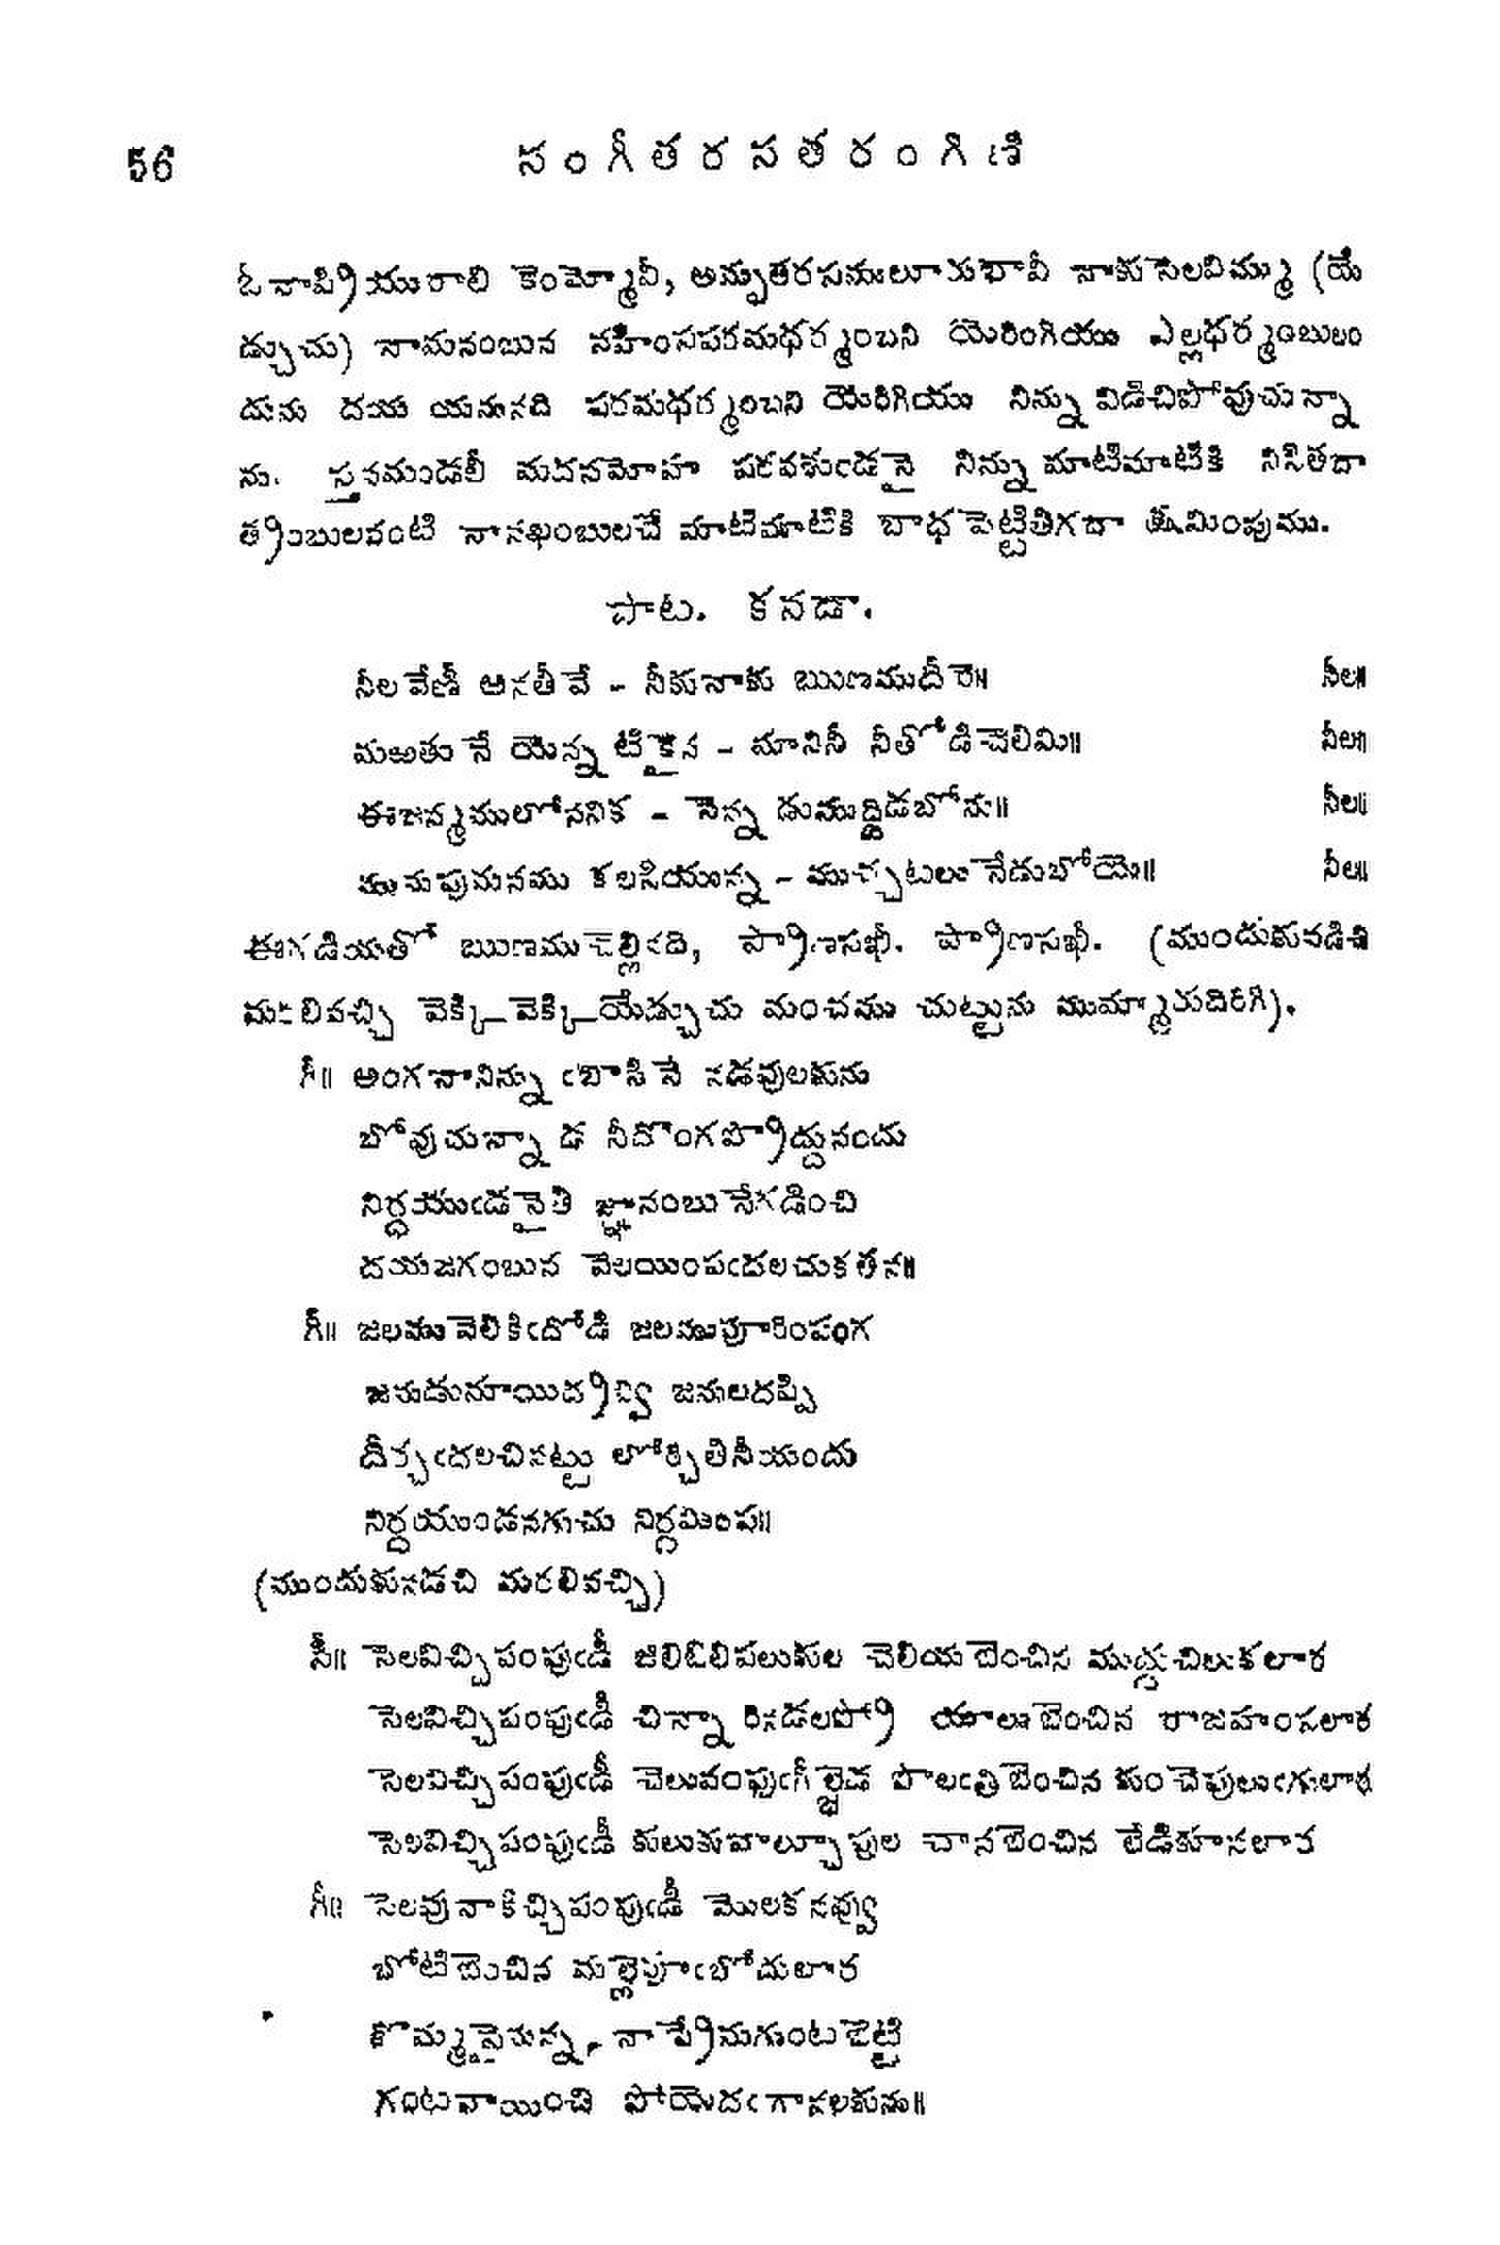ఓనాప్రియురాలి కెంమ్మోనీ, అమృతరసములూరురానీ నాకుసెలవిమ్ము (యేడ్చుచు) నామనంబున నహింసపరమధర్మంబని 
యెరింగియు ఎల్లధర్మంబులంను దయ యనునది పరమధర్మంబని యెరిగియు నిన్ను విడిచిపోవుచున్నాను. స్తనముడలీ మదనమోహ పరవశుండనై నిన్ను మాటిమాటికి నినిసితదాత్రంబులవంటి నానఖంబులచే మాటిమాటికి బాధపెట్టితిగదా క్షమింపుము.

నీలవేణీ ఆనతీవే - నీకునాకు ఋణముదీరె ॥నీల॥ IN
మఱతు నే యెన్నటికైన - మానినీ నీతోడిచెలిమి॥ ॥నీల॥
ఈజన్మములోననిక - నెన్నడుముద్దిడబోను॥ ॥నీల॥ 
మునుపుమనము కలసియున్న - ముచ్చటలు నేడుబోయె॥ ॥నీల॥ 

ఈగడియతో ఋణము చెల్లినది, ప్రాణసఖీ. ప్రాణసఖీ. (ముందుకునడిచి మరలివచ్చి వెక్కి వెక్కి యేడ్చుచు మంచము చుట్టును 
ముమ్మారు దిరిగి).

గీ॥ అంగనానిన్నుఁ బాసినే నడువులకును 
బోవుచున్నా డ నీదొంగపొద్దునందు
నిర్ధయుఁడనైతి జ్ఞానంబునేగడించి
దయజగంబున వెలయింపఁదలచుకతన॥ 

గీ॥ జలమువెలికిఁదోడి జలముపూరింపంగ
జనుడునూయిద్రవ్వి జనులదప్పి
దీర్చఁదలచినట్టు లోర్చితినీయందు
నిర్దయుండనగుచు నిర్ణయింప॥ 

(ముందునడచి మరలివచ్చి)

సీ॥ సెలవిచ్చిపంపుఁడీ జిలిబిలిపలుకుల చెలియబెంచిన ముద్దుచిలుకలార
సెలవిచ్చి పంపుఁడి చిన్నారినడలప్రో యాలుబెంచిన రాజహంసలార
సెలవిచ్చి పంపుఁడీ చెలువంపుఁగీ ర్జెడ పొలఁత్రి బెంచిన కుంచెపులుఁగులారు
సెలవిచ్చి పంపుఁడీ కులుకువాల్చూపుల చానబెంచిన లేడికూనలార 

గీ॥ సెలవునాకిచ్చి పంపుఁడీ మొలకనవ్వు
బోటి బెంచిన మల్లెపూఁబోదుబార
కొమ్మపైనున్న నాప్రేమగుంటబెట్టి
గంటవాయించి పోయెదఁగానలకును॥